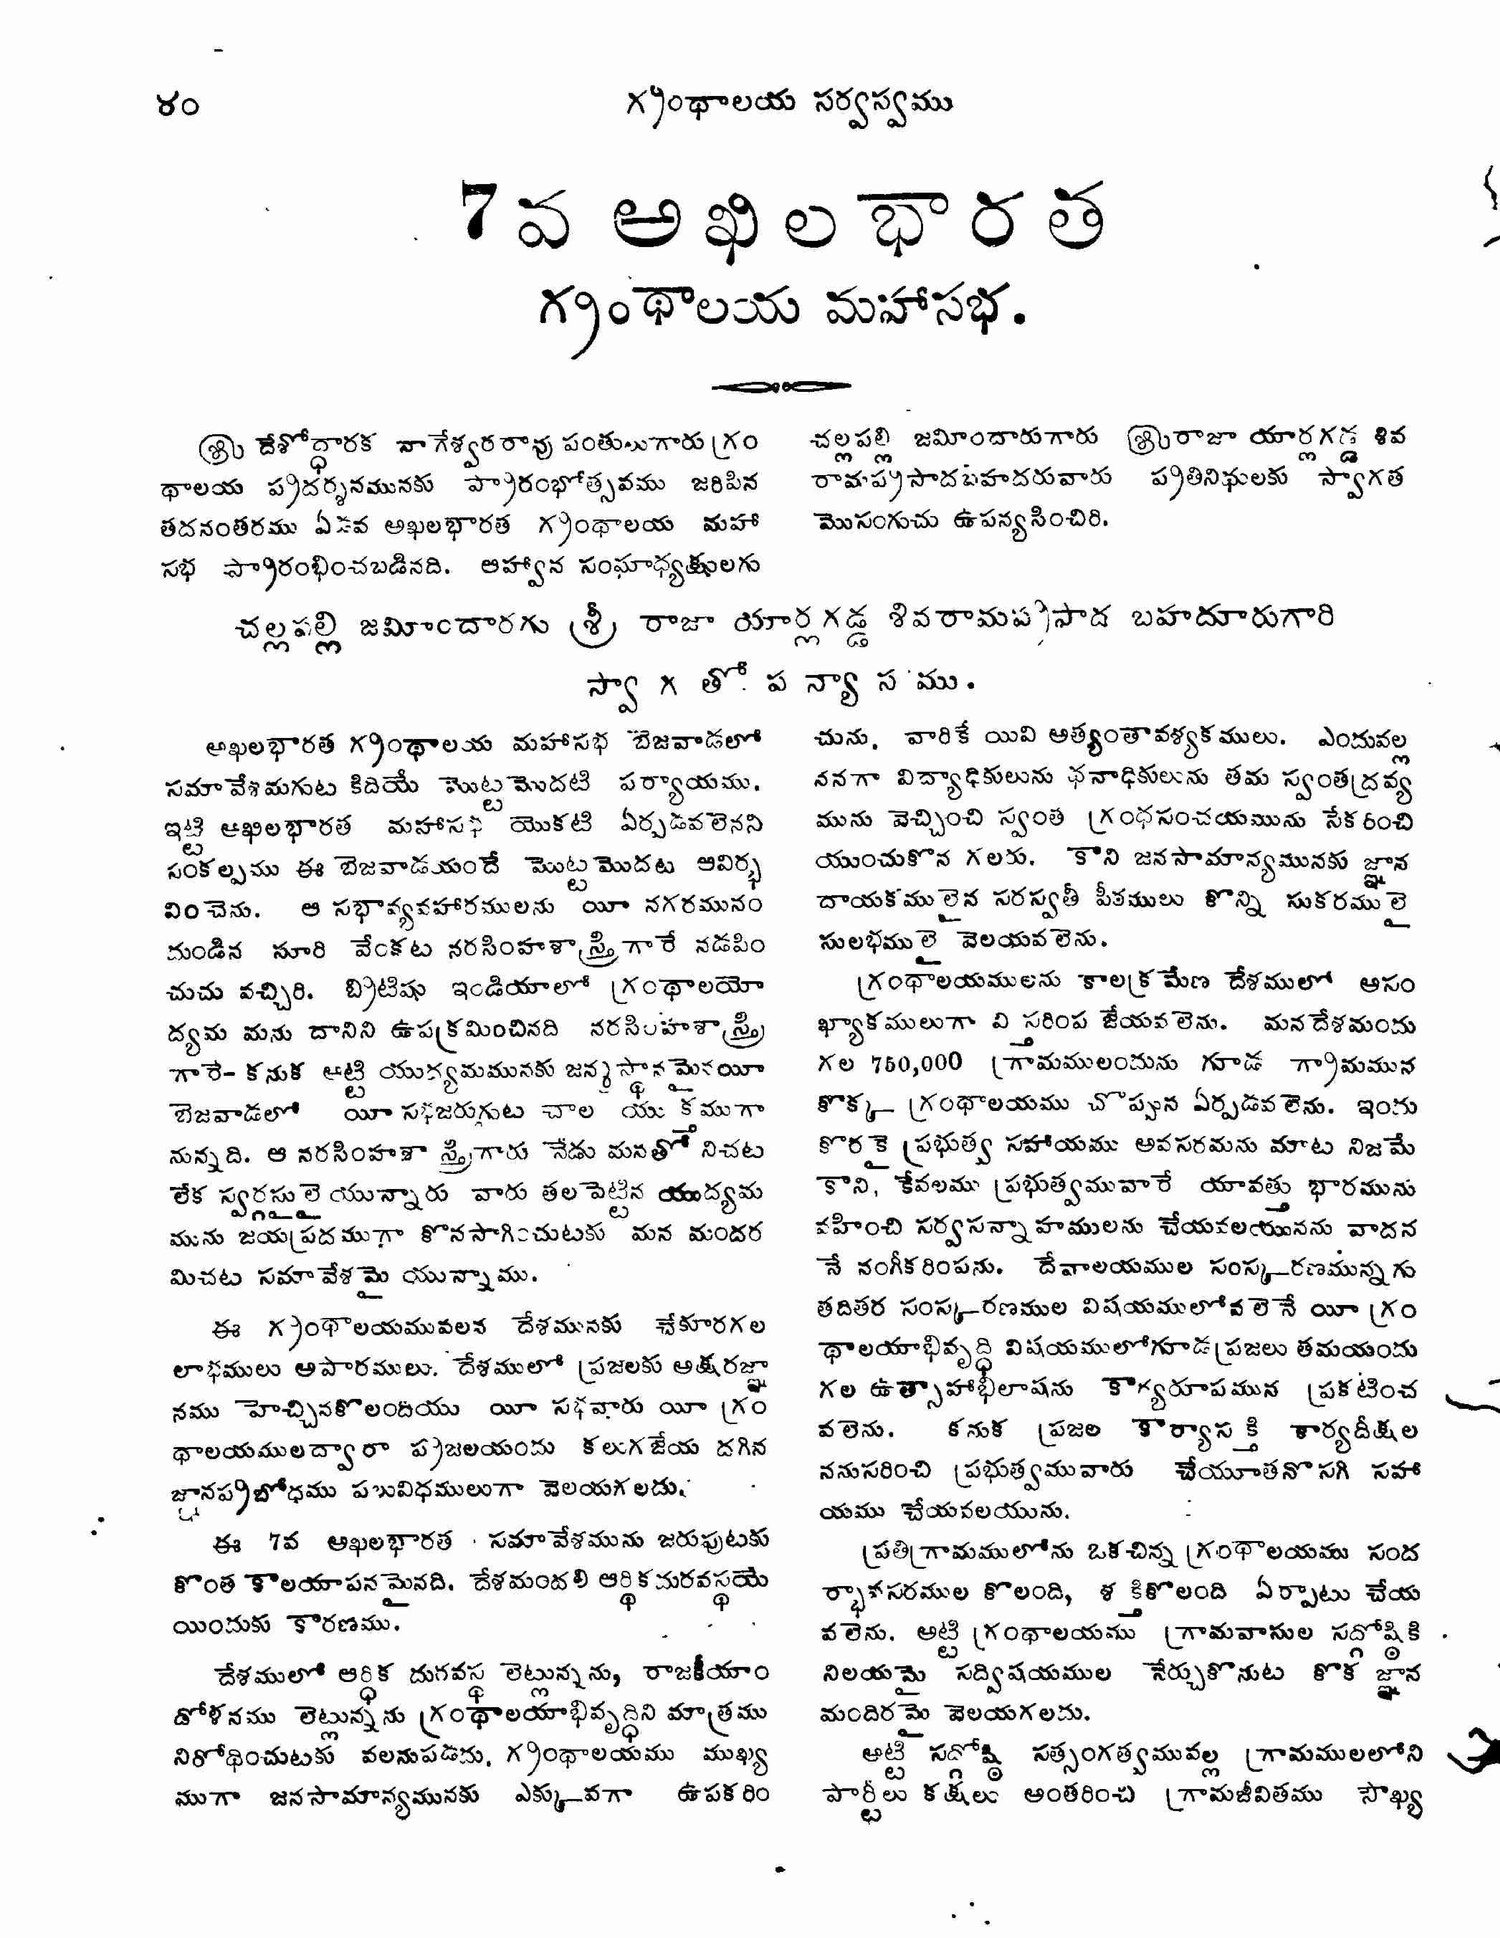దేశోద్ధారక నాగేశ్వరరావు పంతులు గారు గ్రంథాలయ ప్రదర్శనమునకు ప్రారంభోత్సవము జరిపిన తదనంతరము ఏడవ అఖల భారత గ్రంథాలయ మహాసభ ప్రారంభించబడినది. అహ్వాన సంఘాధ్యక్షులగు చల్లపల్లి జమీందారు గారు, శ్రీ రాజా యార్లగడ్డ శివ రామప్రసాద బహద్దూర్ వారు ప్రతినిధులకు స్వాగత మొసంగుచు ఉపన్యసించిరి.

 
అఖలభారత గ్రంథాలయ మహాసభ బెజవాడలో సమావేశమగుట కిదియే మొట్టమొదటి పర్యాయము. ఇట్టి ఆఖిలభారత మహాసభ 
యొకటి ఏర్పడవలెనని సంకల్పము ఈ బెజవాడయందే మొట్టమొదట ఆవిర్భవించెను. ఆ సభావ్యవహారములను యీ నగరము 
నందుండిన సూరి వేంకట నరసింహశాస్త్రి గారే నడపించుచు వచ్చిరి. బ్రిటిషు ఇండియాలో గ్రంథాలయోద్యమ మను దానిని ఉపక్రమించినది నరసింహశాస్త్రి గారే కనుక అట్టి యుధ్యమమునకు జన్మస్థానమైనయీ బెజవాడలో యీ సభజరుగుట చాల యుక్తముగా నున్నది. ఆ నరసింహశాస్త్రి గారు నేడు మనతో నిచట లేక స్వర్గసులైయున్నారు వారు తల పెట్టిన యుద్యమమును జయప్రదముగా కొనసాగించుటకు మన మందరమిచట సమావేశమై యున్నాము.

ఈ గ్రంథాలయము వలన దేశమునకు చేకూరగల లాభములు అపారములు. దేశములో ప్రజలకు అక్షరజ్ఙాననము హెచ్చిన కొలందియు 
యీ సభవారు యీ గ్రంథాలయముల ద్వారా ప్రజలయందు కలుగ జేయ దగిన జ్ఞానప్రబోధము పలువిధములుగా వెలయగలదు.

ఈ 7వ అఖిలభారత సమావేశమును జరుపుటకు కొంత కాలయాపన మైనది. దేశమందలి ఆర్థిక దురవస్థయే యిందుకు కారణము.

దేశములో ఆర్థిక దుగవస లెటున్నను, రాజకీయాందోళనము లెట్లున్నను గ్రంథాలయాభివృద్ధిని మాత్రము నిరోధించుటకు 
వలనుపడదు. గ్రంథాలయము ముఖ్యముగా జనసామాన్యమునకు ఎక్కువగా ఉపకరించును. వారికే యివి అత్యంతావశ్యకములు. ఎందువల్లననగా విద్యాధికులును ధనాధికులును తమ స్వంతద్రవ్యమును వెచ్చించి స్వంత గ్రంధసంచయమును సేకరించి
యుంచుకొన గలరు. కాని జనసామాన్యమునకు జ్ఞానదాయకములైన సరస్వతీ పీఠములు కొన్ని సుకరములై సులభములై వెలయవలెను.

గ్రంథాలయములను కాలక్రమేణ దేశములో అసంఖ్యాకములుగా విస్తరింప జేయవలెను. మన దేశమందు గల 750,000 గ్రామము
లందును గూడ గ్రామమున కొక్క గ్రంథాలయము చొప్పున ఏర్పడవలెను. ఇందుకొరకై ప్రభుత్వ సహాయము అవసరమను మాట నిజమే
కాని, కేవలము ప్రభుత్వమువారే యావత్తు భారమును వహించి సర్వసన్నాహములను చేయవలయునను వాదననే నంగీకరింపను. దేవాలయముల సంస్కరణమున్నగు తదితర సంస్కరణముల విషయములోవలెనే యీ గ్రంథాలయాభివృద్ధి విషయములో గూడ ప్రజలు తమయందుగల ఉత్సాహాభిలాషను కార్యరూపమున ప్రకటించవలెను. కనుక ప్రజల కార్యాసక్తి కార్యదీక్షల ననుసరించి ప్రభుత్వమువారు చేయూతనొసగి సహాయము చేయవలయును.

ప్రతిగ్రామములోను ఒక చిన్న గ్రంథాలయము సందర్భావసరముల కొలంది, శక్తికొలంది ఏర్పాటు చేయవలెను. అట్టి గ్రంథాలయము గ్రామవాసుల సదోషికి నిలయమై సద్విషయముల నేర్చుకొనుట కొక జ్ఞానమందిరమై వెలయగలదు.

అట్టి సదోష్ఠి సత్సంగత్వమువల్ల గ్రామములలోని పార్టీలు కక్షలు అంతరించి గ్రామజీవితము సౌఖ్య